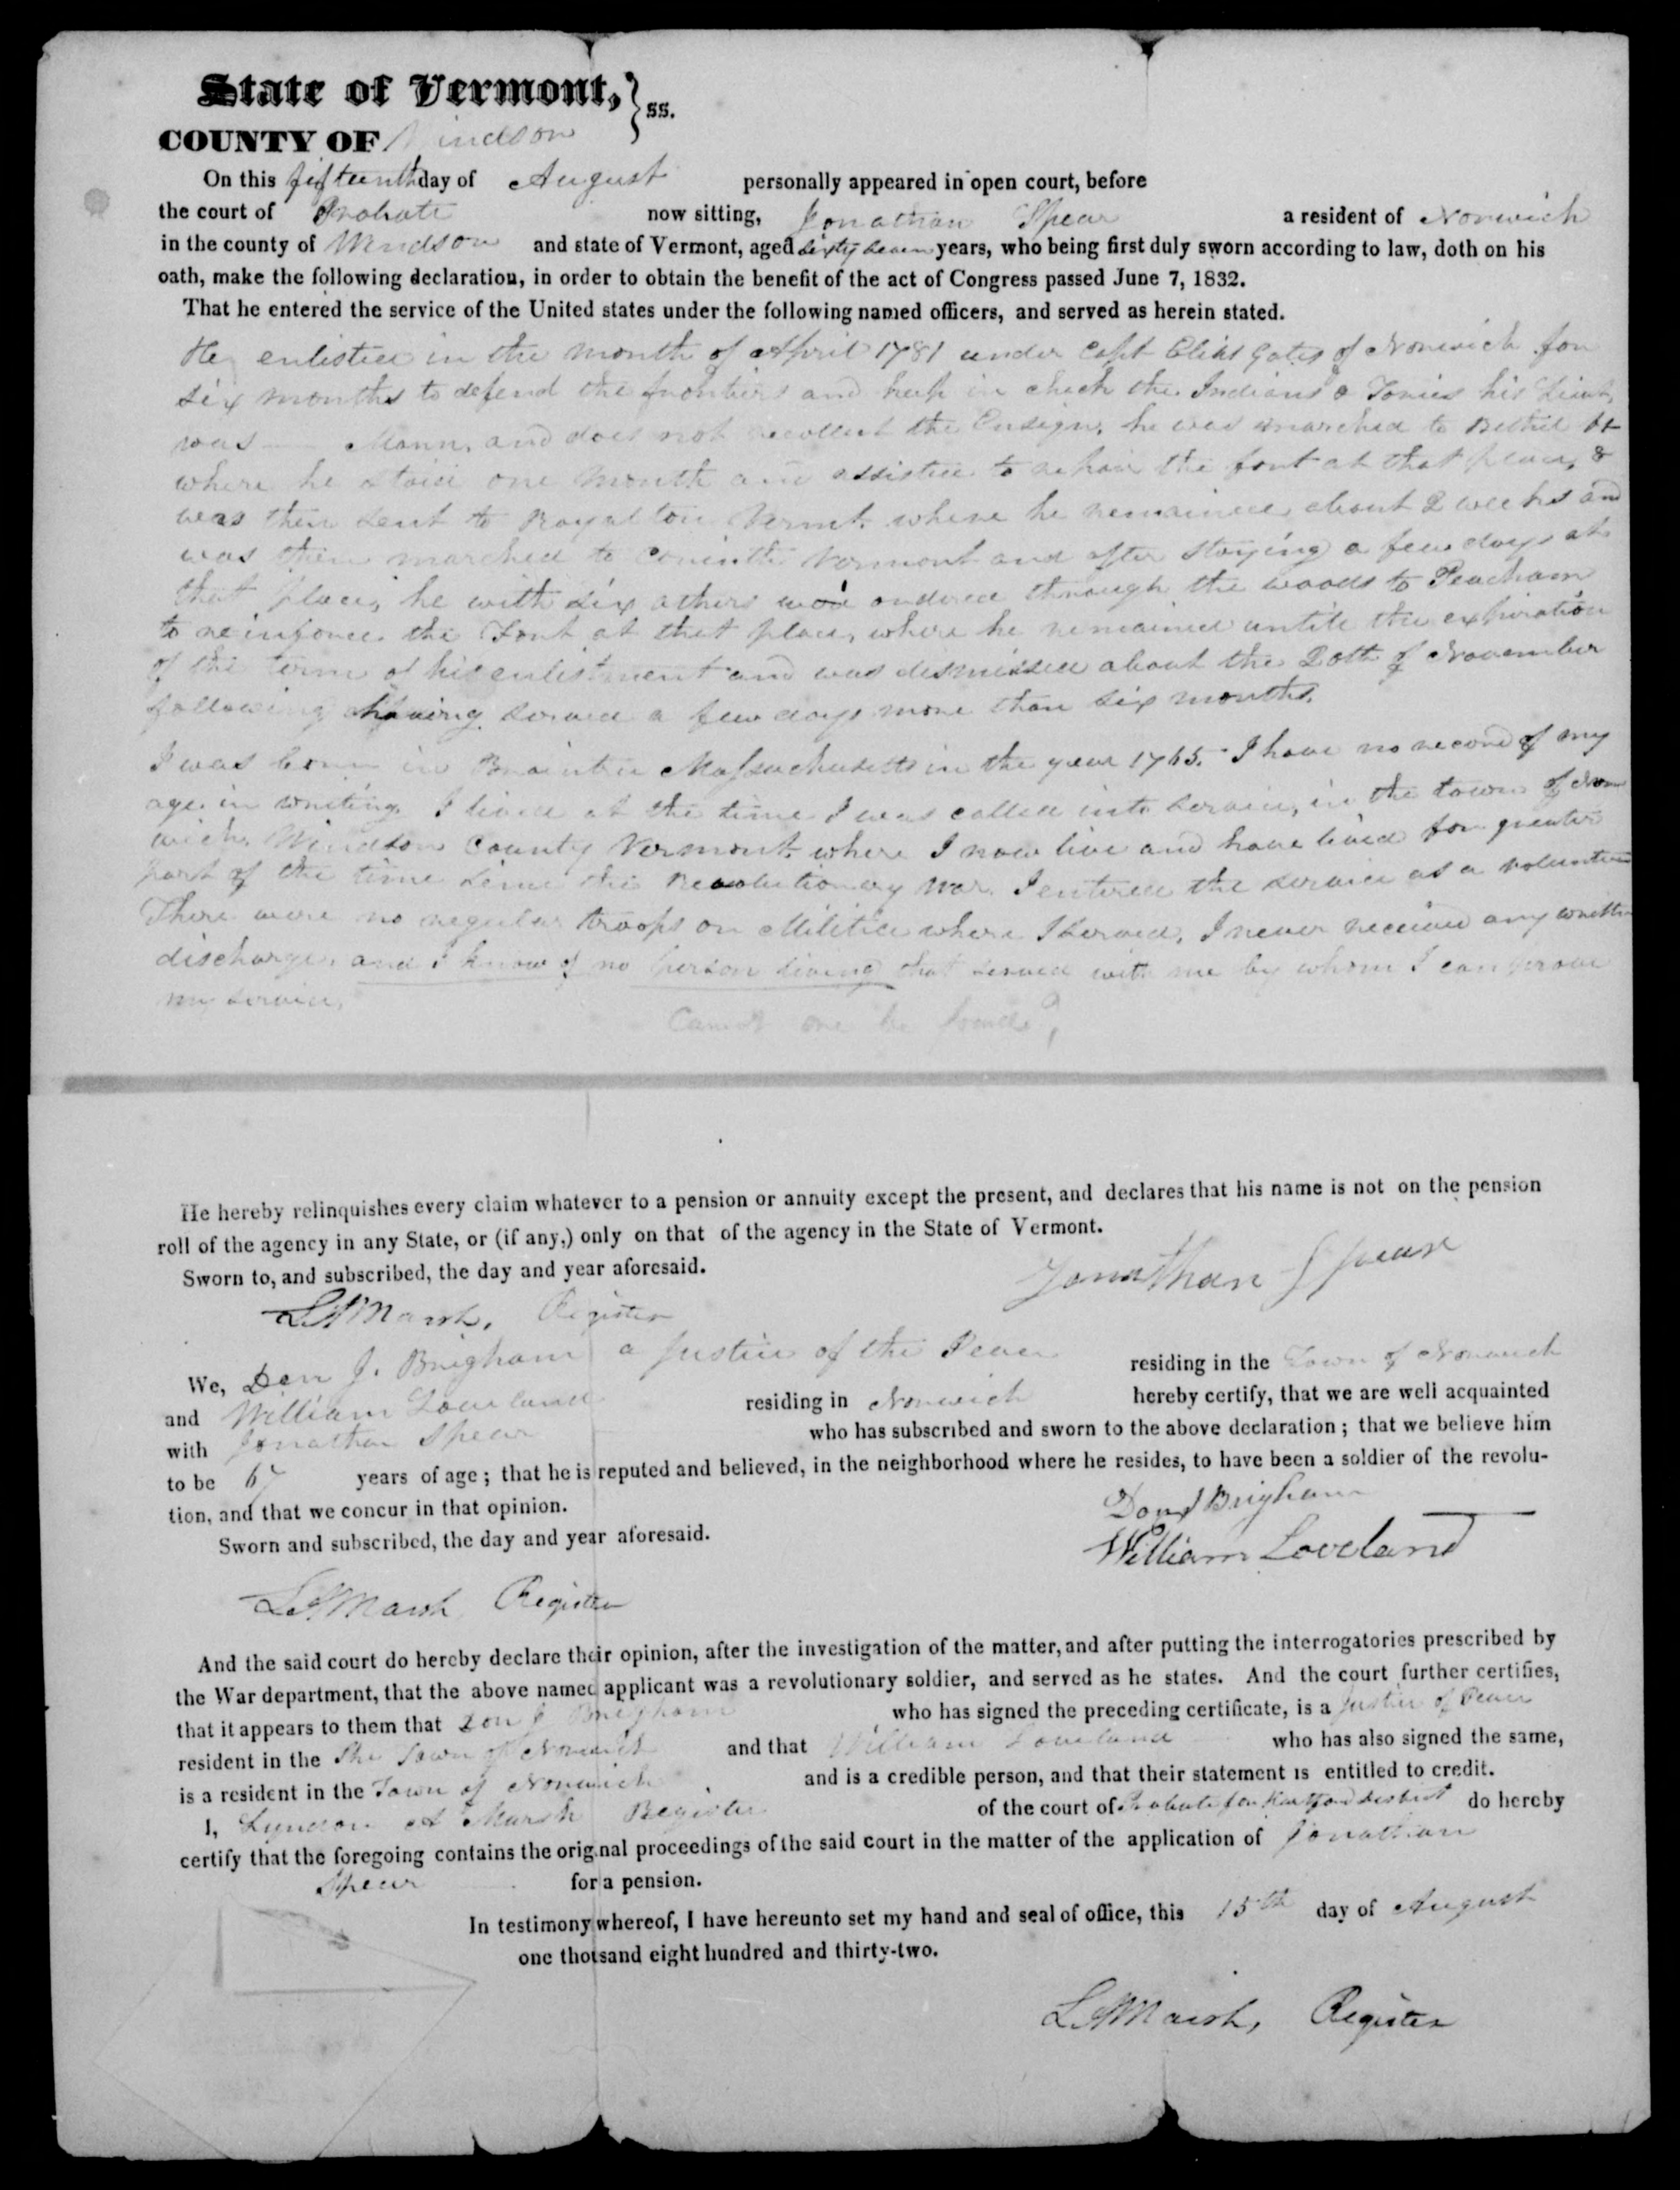State of Vermont
County of Windsor }ss
On this fifteenth day of August personally appeared I open Court, before the Court of Probate now sitting Jonathan Spear a resident of  Norwich in the County of Windsor and State of Vermont aged sixth seven years, who being first duly sworn according to law, doth on his oath, make the following declaration, in order to obtain the benefit of the act of Congress passed June 7, 1832. 
That he entered the service of the United States under the following named officers, and served as therein stated. 
He enlisted in the month of April 1781 under Capt Phil Gates of Norwich for six month to defend the frontier and help in check the Indians & Tories his Lieut was ____ Mann and does not recollect the Ensign. he was marched to Bethel where he staid one month and assisted to repair the fort at that place was then sent to Royalton Vermont where he remained about 2 weeks was then marched to Corinth Vermont and after staying a few days in that place he with six others were ordered men through the woods to Peacham to reinforce the fort at that place where he remained until the expiration of the terms of his enlistment and and was dismissed about the 20th of November following having service a few days more than six months.
I was Comm in Braintree Massachusetts in the year 1765. I have no record of a age in writing I have at the time I was called into service in the town of which Windsor County Vermont where I now live and have lived for great part of the time serve this revolutionary War. I entered the service  as a volunteer. There were no regular troops on Militia where I served. I never received any written discharge and I know of no person living that served with me by who I can prove my service.  Cannot one be found
Her hereby relinquishes every claim whatever to a pension or annuity except the present, and declares that his name is not on the pension roll of the agency in any State, or (if any)on that of the agency in the State of Vermont. 
Sworn to, and subscribed , the day and year aforesaid.L A Marsh Register - Jonathan Spear
We Don J  Brigham a Justice of the Peace and William Loveland residing in Norwich hereby certify, that we are well acquainted with Jonathan Spear who has subscribed and sworn to the above declaration; that we believe to be 67 years of age; that he is reputed and believed, in the neighborhood where he resides, to have been a soldier of the revolution, and that we concur in that opinion. 
Sworn ands ubscribed, the day and year aforesaid.
Don Brigham William Loveland 
L Marsh Register 
And the said Court do hereby declare their opinion, after the investigation of the matter, and after putting the interrogatories prescribed by the War department, that the above named applicant was a revolutionary soldier, and served as he states-. And the Court further certifies, that it appears to them that Don G Brigham, who has signed the preceding certificate, is a Justice of Peace resident in the the town of Norwich and that William Loveland who has also signed the same, is a resident in the Town of Norwich and is a credible person, and that their statement is entitle to credit. 
I Lyndon A Marsh Register of the court of Probate for Hartford district do hereby certify that the foregoing contains the original proceedings of the said Court in the matter of the application of Jonathan Spear for a pension.
In testimony whereof, I have hereunto set my hand and seal of Office, this 13th day of August one thousand eight hundred and thirty-two. 
L A Marsh, Register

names: William Lowland; Don J Brigham; L A Marsh; Jonathan Spear; Jonathan Spear; Jonathan Spear; Jonathan Spear; William Loveland; Elihs Gates; Lyndon A Marsh; William Loveland; Don J Brigham; L A Marsh; L A Marsha; Don J Brigham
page: 7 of 65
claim: widow's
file: W. 7197, for Jonathan Spear, Vermont